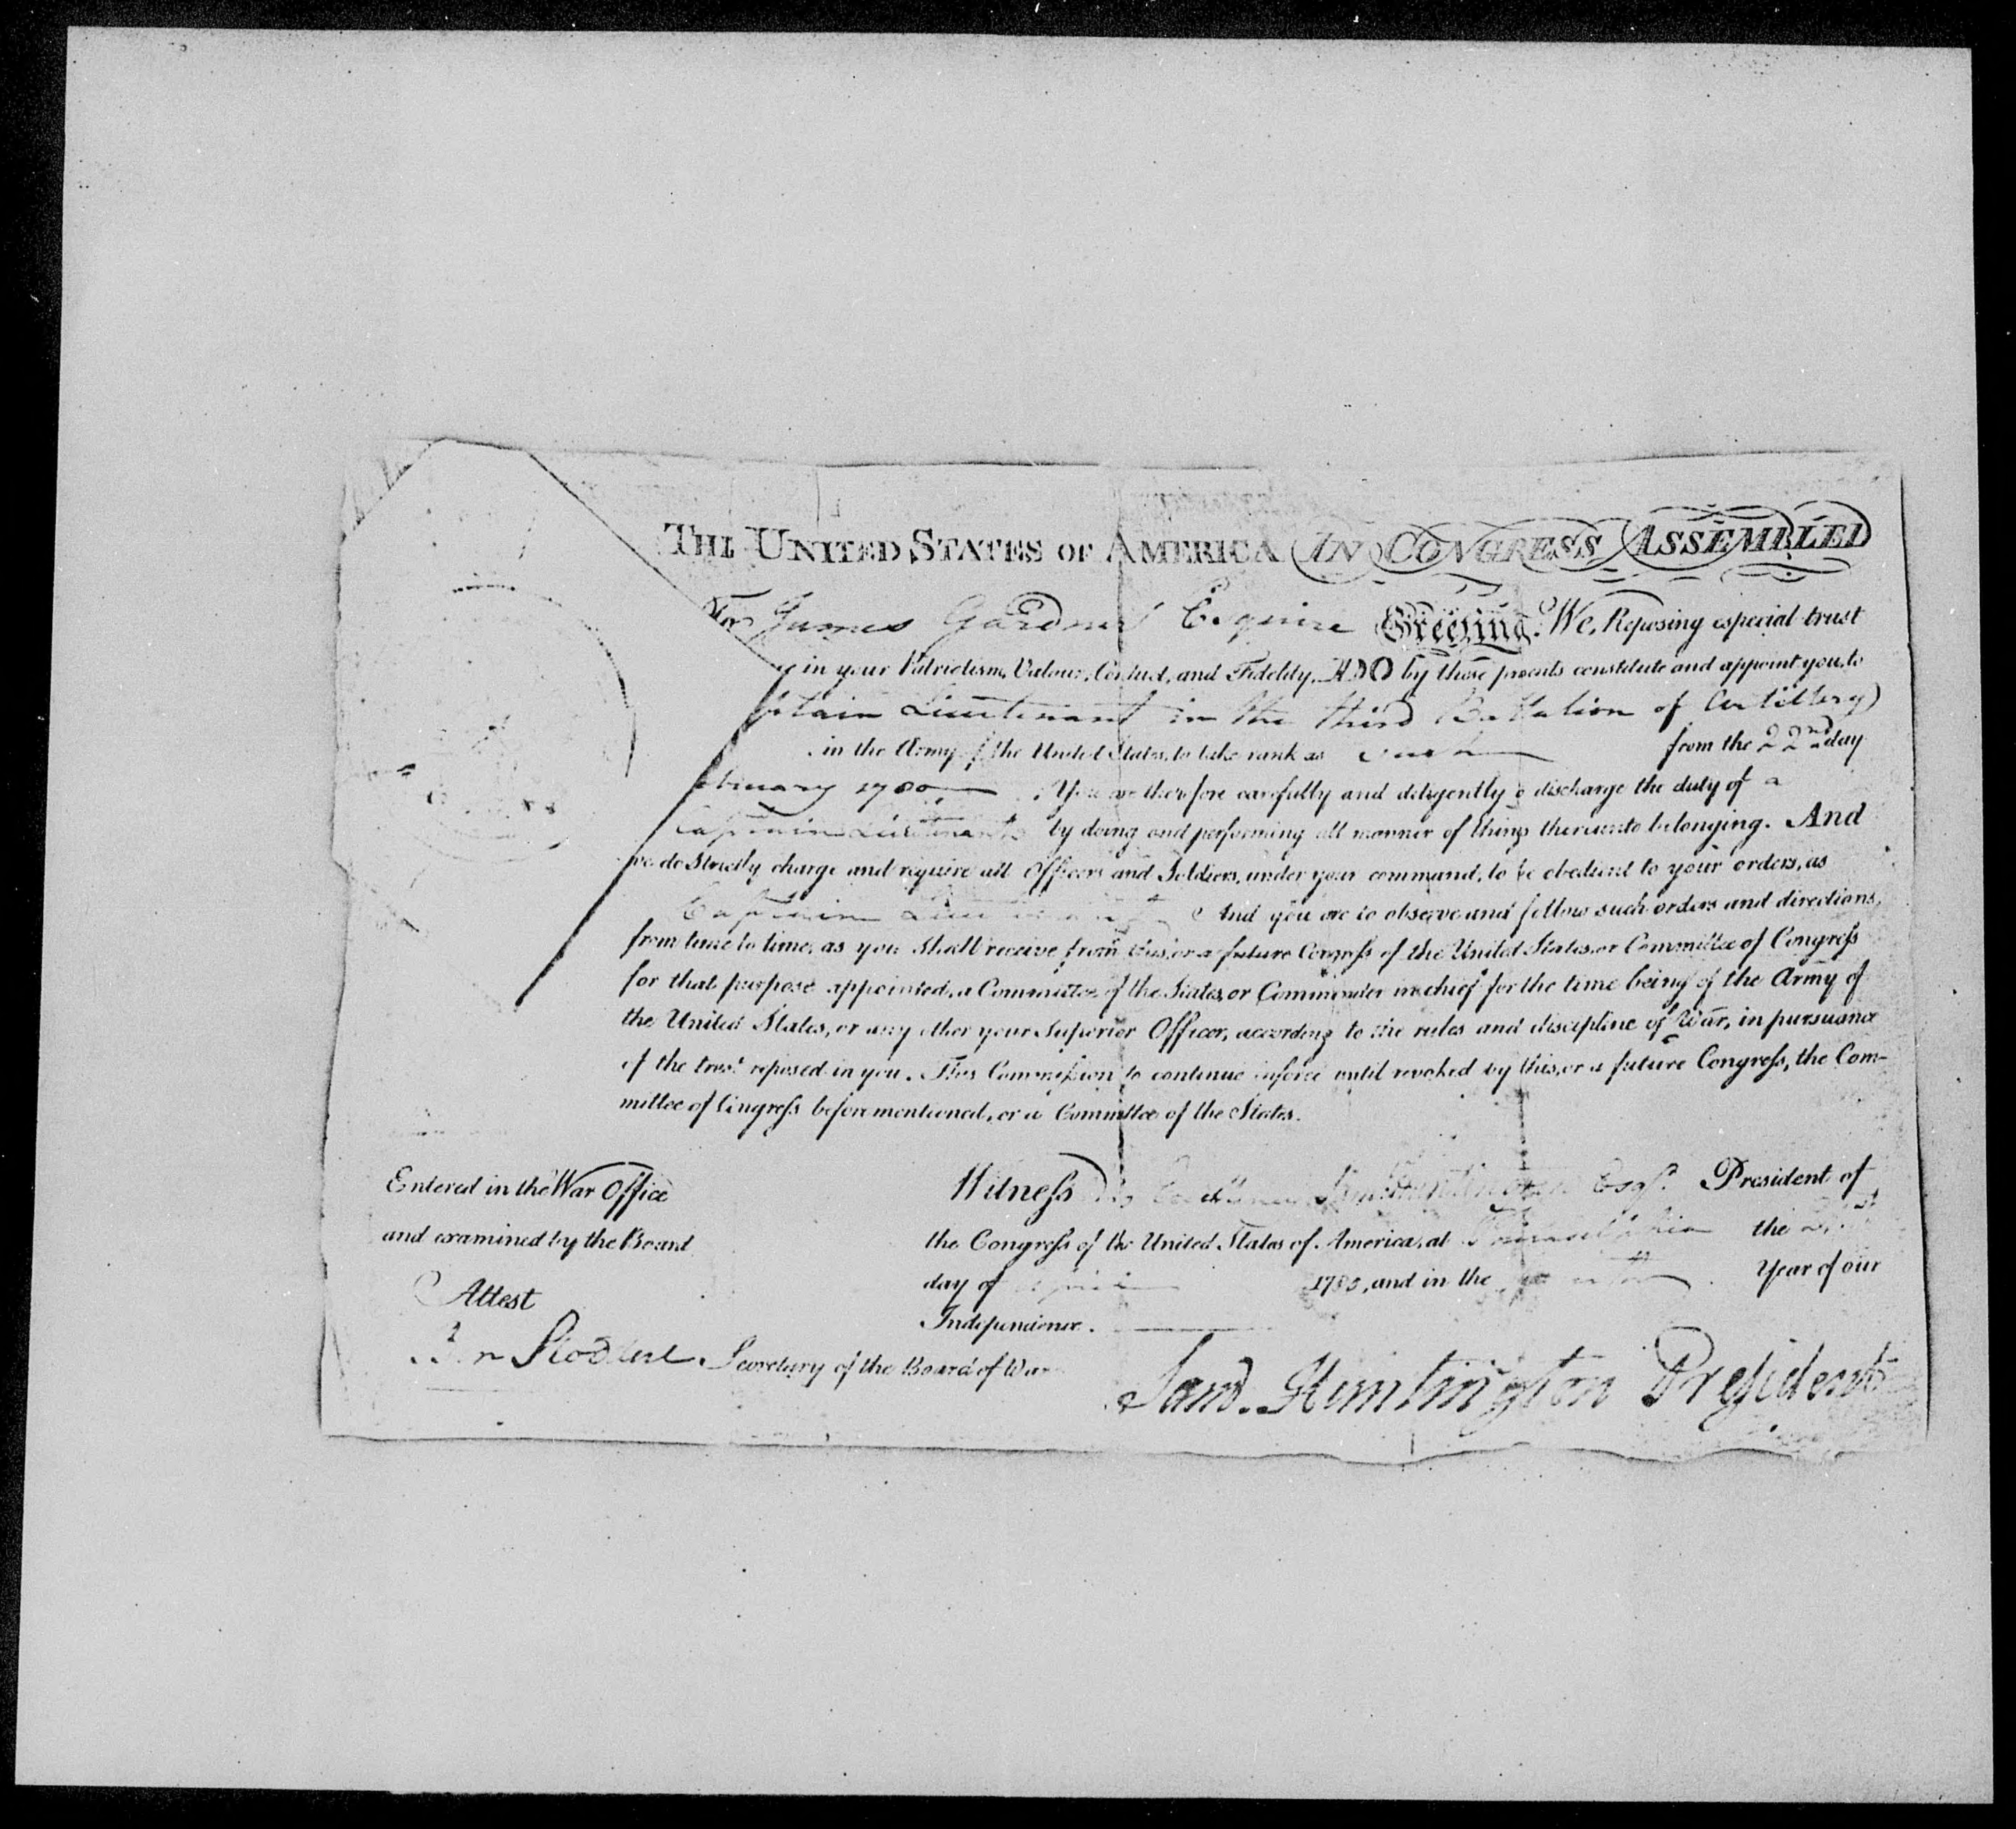THE UNITED STATES OF AMERICA IN CONGRESS ASSEMBLED
For James Gardner Esquire Greeting. We Reposing special trust [missing part] in your Patriotism, Valour, Conduct, and Fidelity DO by these presents constitute and appoint you to Captain Lieutenant in the third Battalion of Artillery in the Army of the United States to take rank as such from the 22nd day of February 1780 You are therefore carefully and diligently to discharge the duty of a Captain Lieutenant by doing and performing all manner of things thereunto belonging. And we do Strictly charge and require all Officers and Soldiers, under your command to be obedient to your orders, as Captain Lieutenant. And you are to observe and follow such order and directions from time to time, as you shall receive from this or a future Congress of the United States or Committee of Congress for that purpose appointed a Committee of the States or Commander in chief for the time being of the Army of the United States, or any other your superior Officer, according to the rules and discipline of War, in pursuance of the trust reposed in you. This Commission to continue inforce until revoked by this, or a future Congress, the Committee of Congress before mentioned, or a Committee of the States.
Witness his Excellency Saml Huntington Esqr. President of the Congress of the United States of America at Philadelphia the 31st day of April 1785, and in the sixth [?] year of our Independence
[signed] Saml Huntington President
Entered in the War Office and examined by the Board
Attest
[signed] Ben Stoddert, Secretary of the Board of War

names: Sam Huntington, James Gardner, Ben Stoddert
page: 11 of 18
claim: bounty land warrant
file: B. L. Wt. 668-200, James Gardner, Continental Artillery Parents Of N.Y.